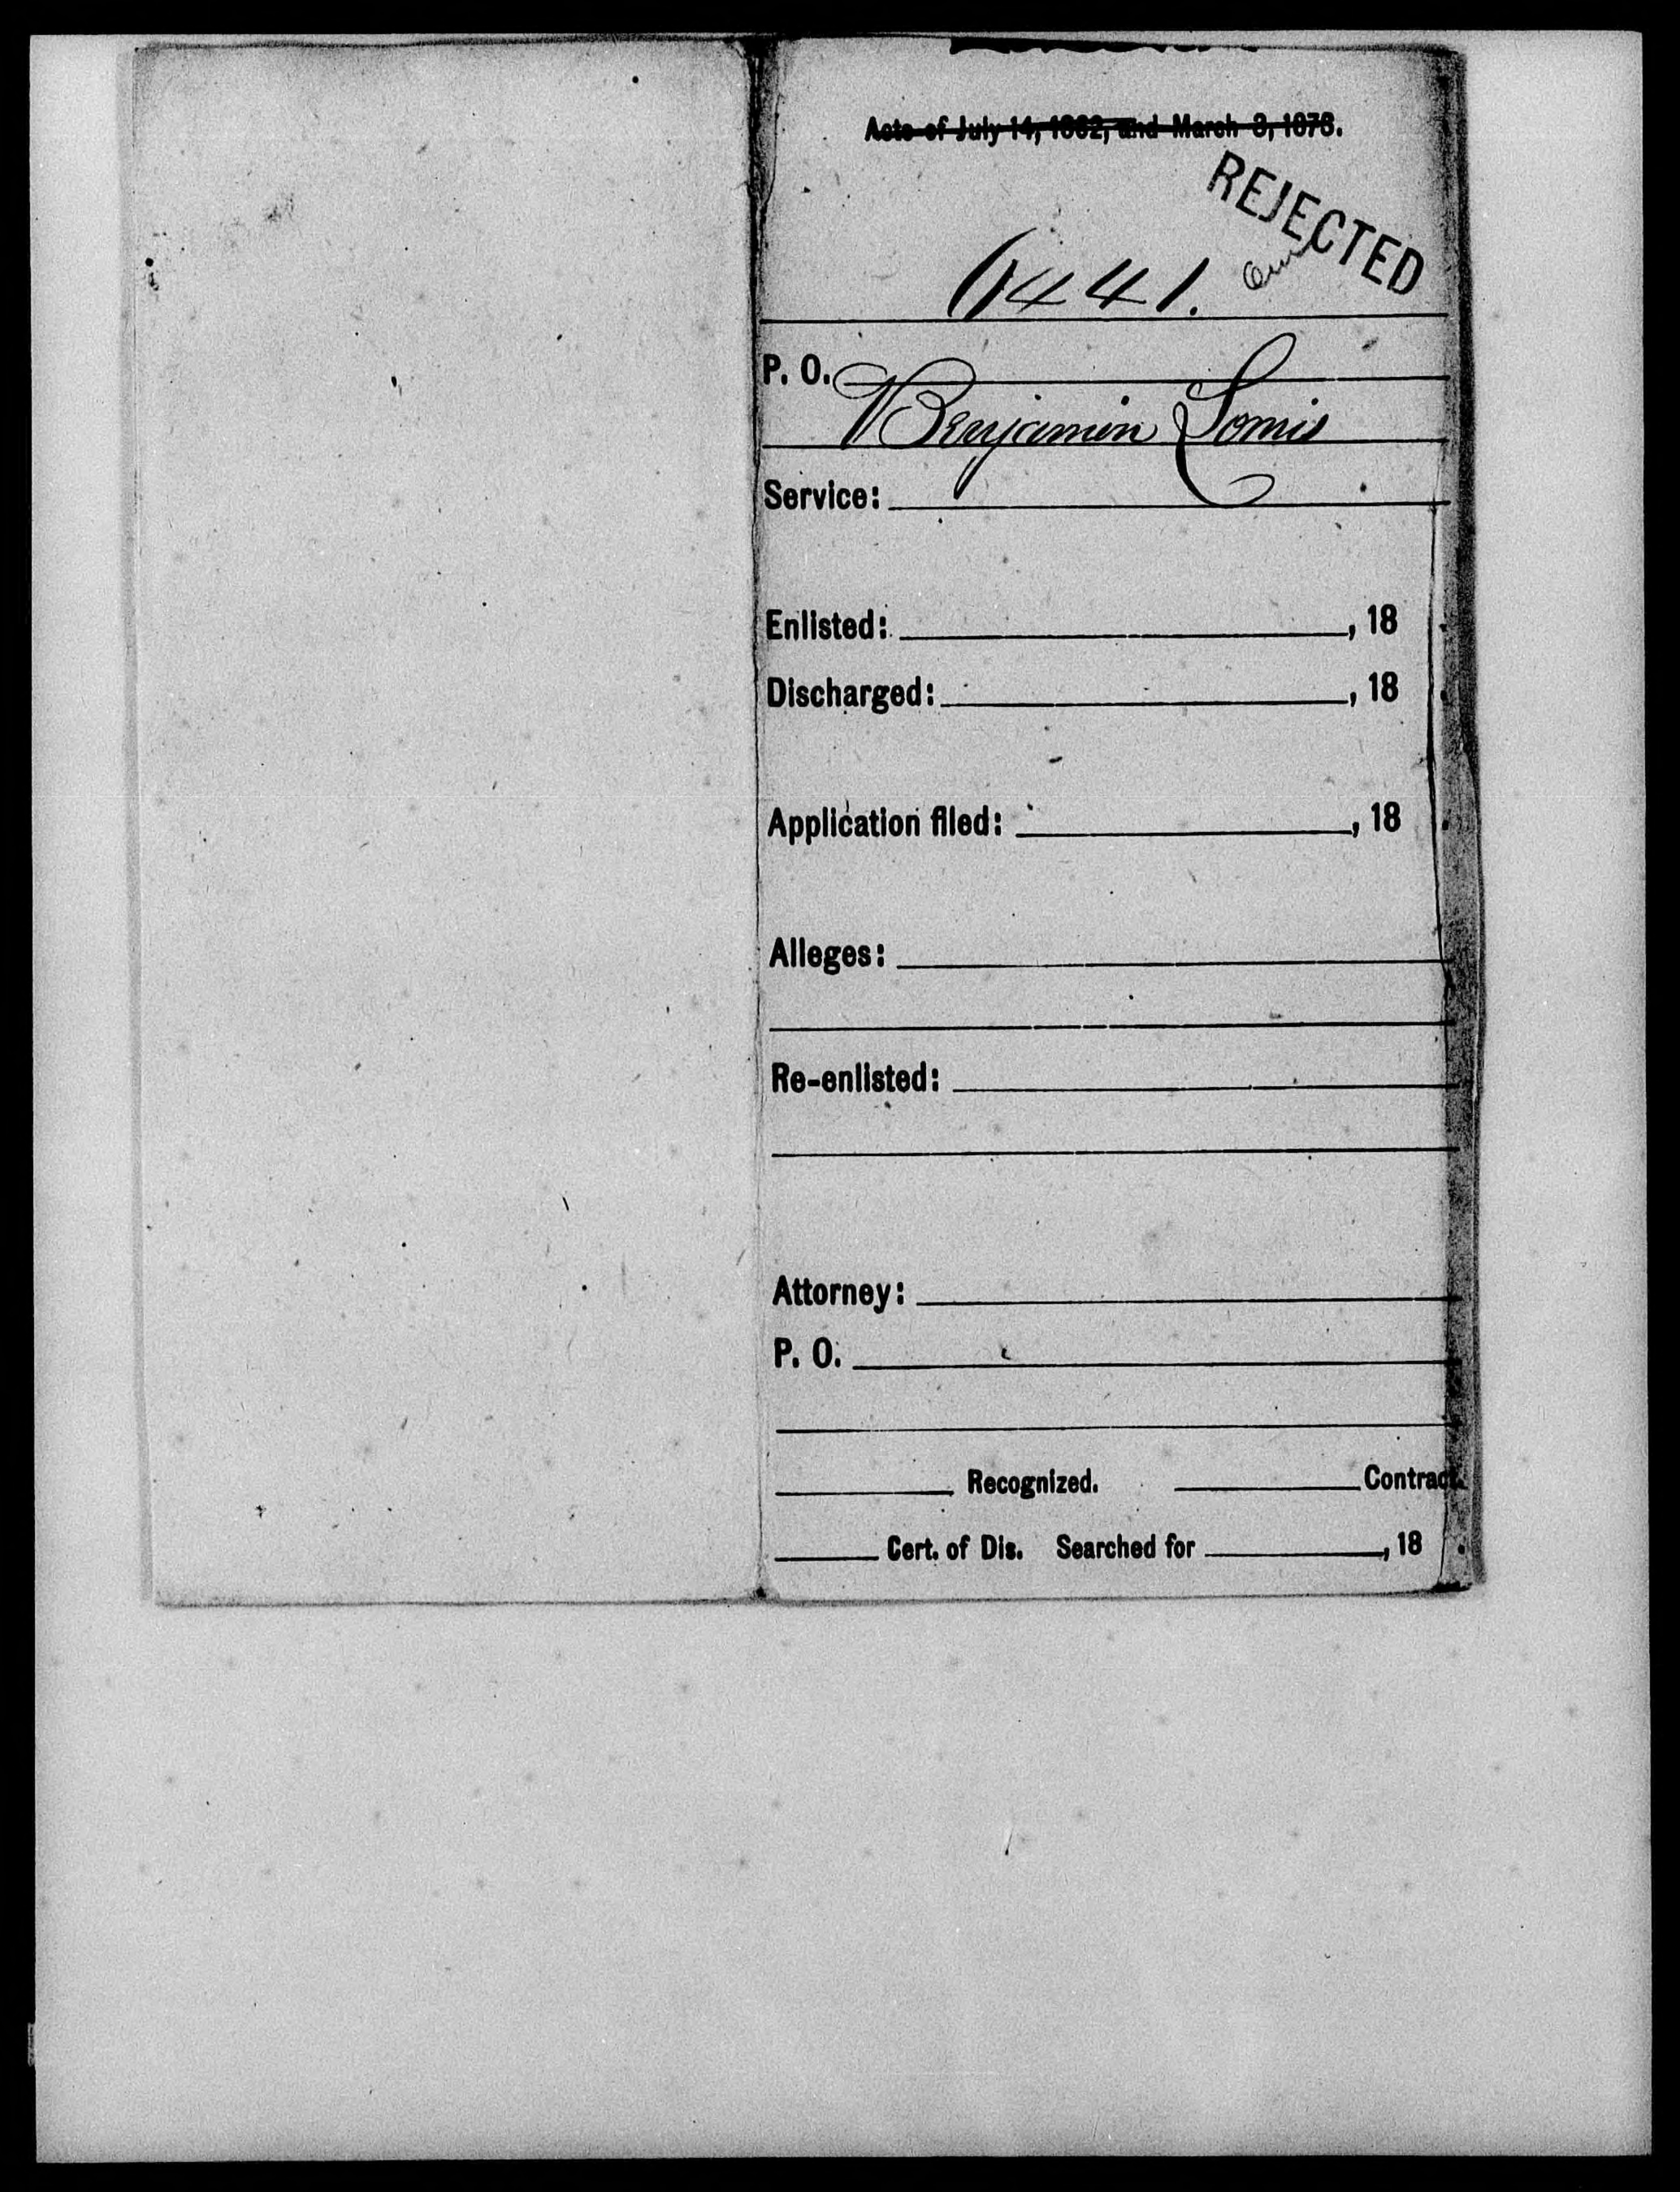[crossed out]
REJECTED
1441.

Benjamin Loomis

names: Benjamin Loomis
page: 11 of 13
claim: rejected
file: R. 6441, for Benjamin Loomis, Connecticut